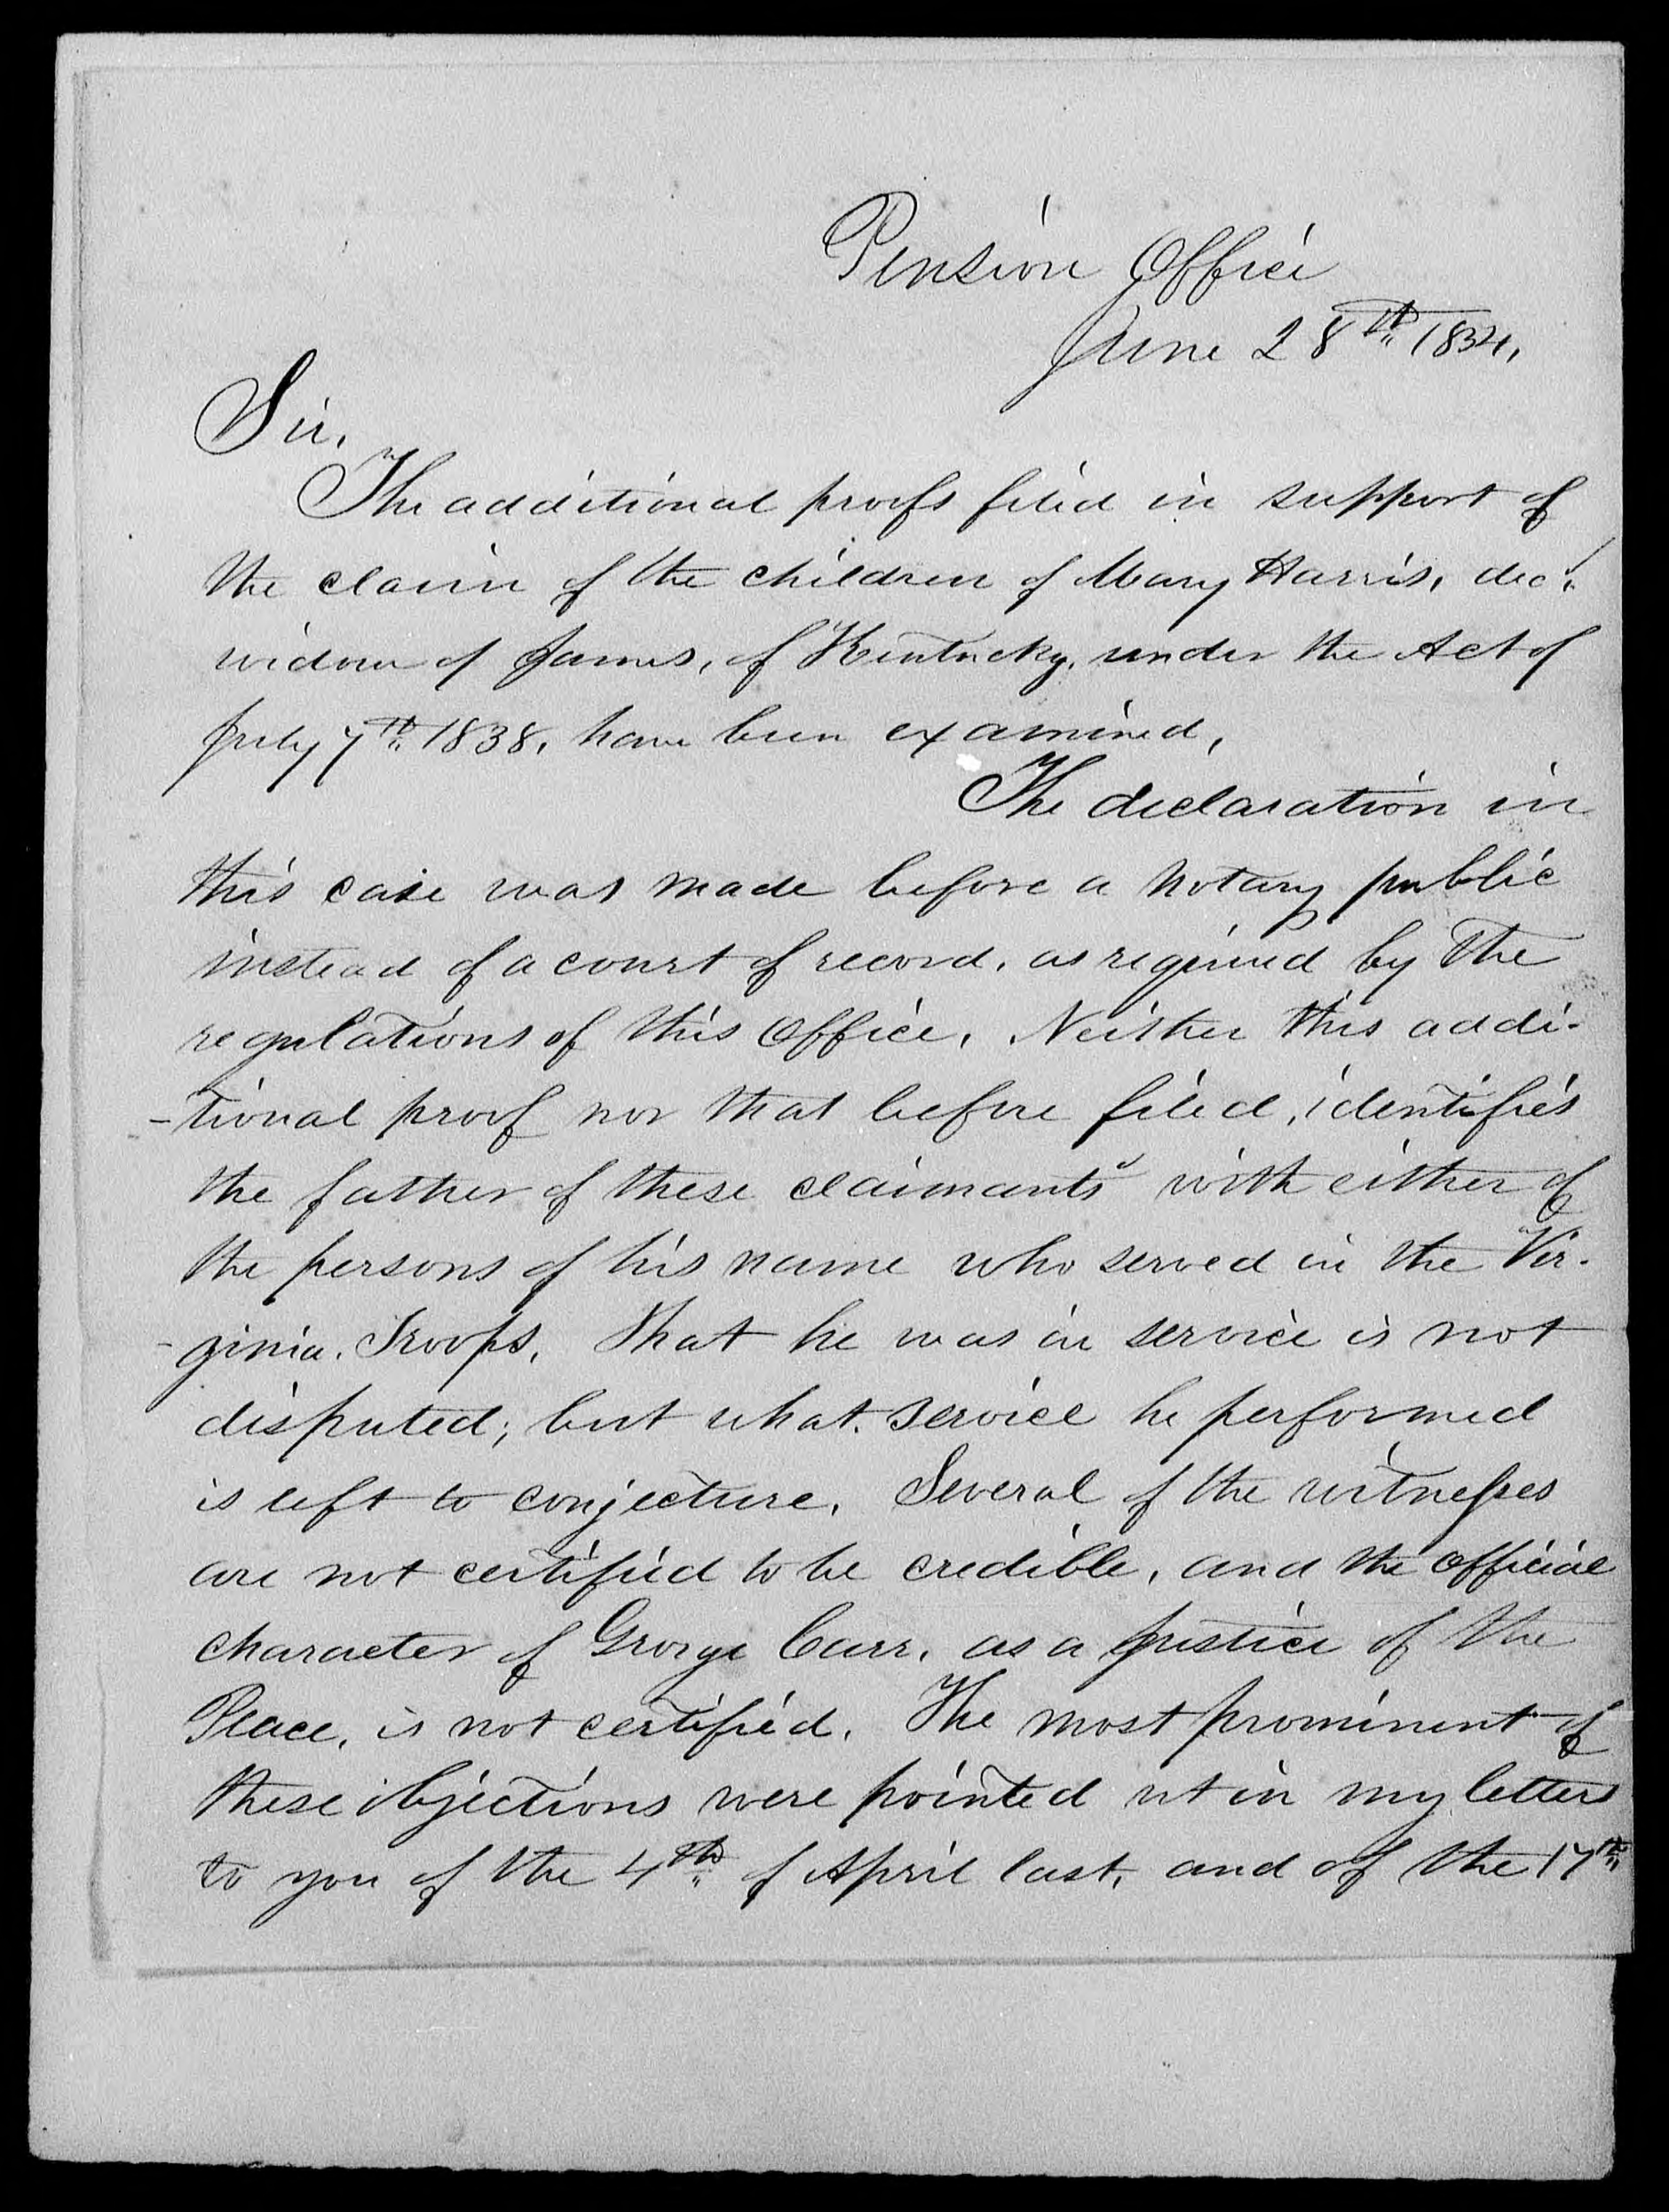Pension Office
June 28th 1854

Sir,
The additional proofs filed in support of the claim of the children of Mary Harris, dec. widow of James, of Kentucky, under the Act of July 7th 1838, have been examined,
The declaration in this case was made before a notary public instead of a court of record, as required by the regulations of this office.  Neither this additional proof nor that before filed identified the father of these claimants with either of the persons of his name who served in the Virginia Troops, That he was in service is not disputed, but what service he performed is left to conjecture.  Several of the witnesses are not certified to be credible, and the official character of George Carr, as a Justice of the Peace, is not certified.  The most prominent of these objections were pointed out in my letter to you of the 4th of April last, and of the 17th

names: Mary Harris, James Harris, George Carr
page: 48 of 160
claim: rejected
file: R. 4666, James Harris, Va.